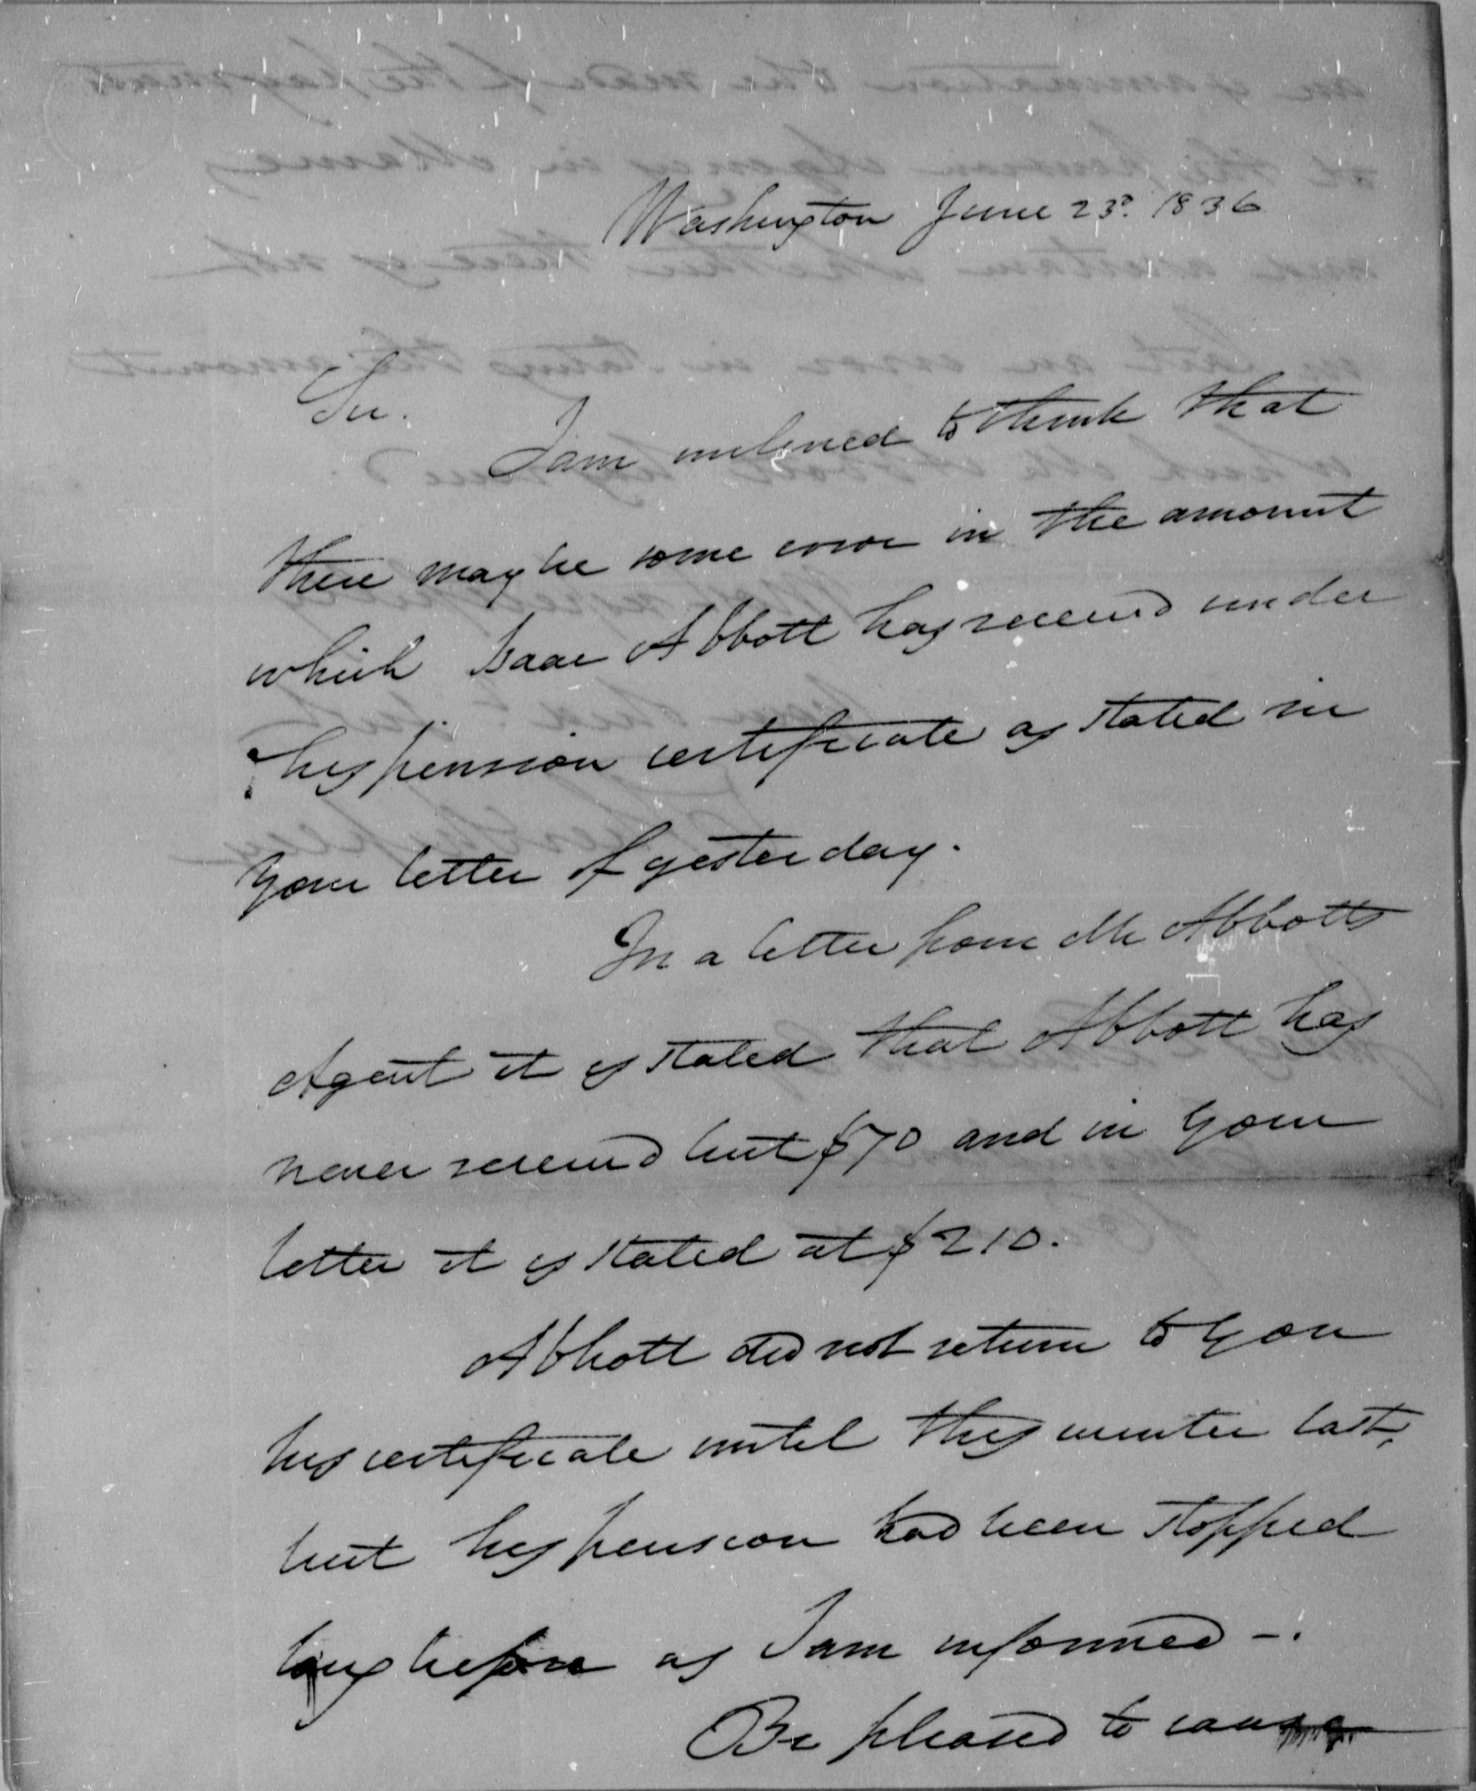Washington, June 23rd, 1836

Sir,
I am [illegible] to think that there may be some error in the amount which Isaac Abbott has received under this Pension Certificate as stated in your letter of yesterday.
In a letter from Mr. Abbott's Agent, it is stated that Abbott has never received but $70 and in your letter it is stated at $210.
Abbott did not return to you his Certificate until this Winter late, but his Pension had been stopped days before as I am informed -
Be pleased to cause
...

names: Isaac Abbott, Abbott, Abbott, Abbott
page: 60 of 86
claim: survivor's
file: S 29,568, Isaac Abbot, Mass